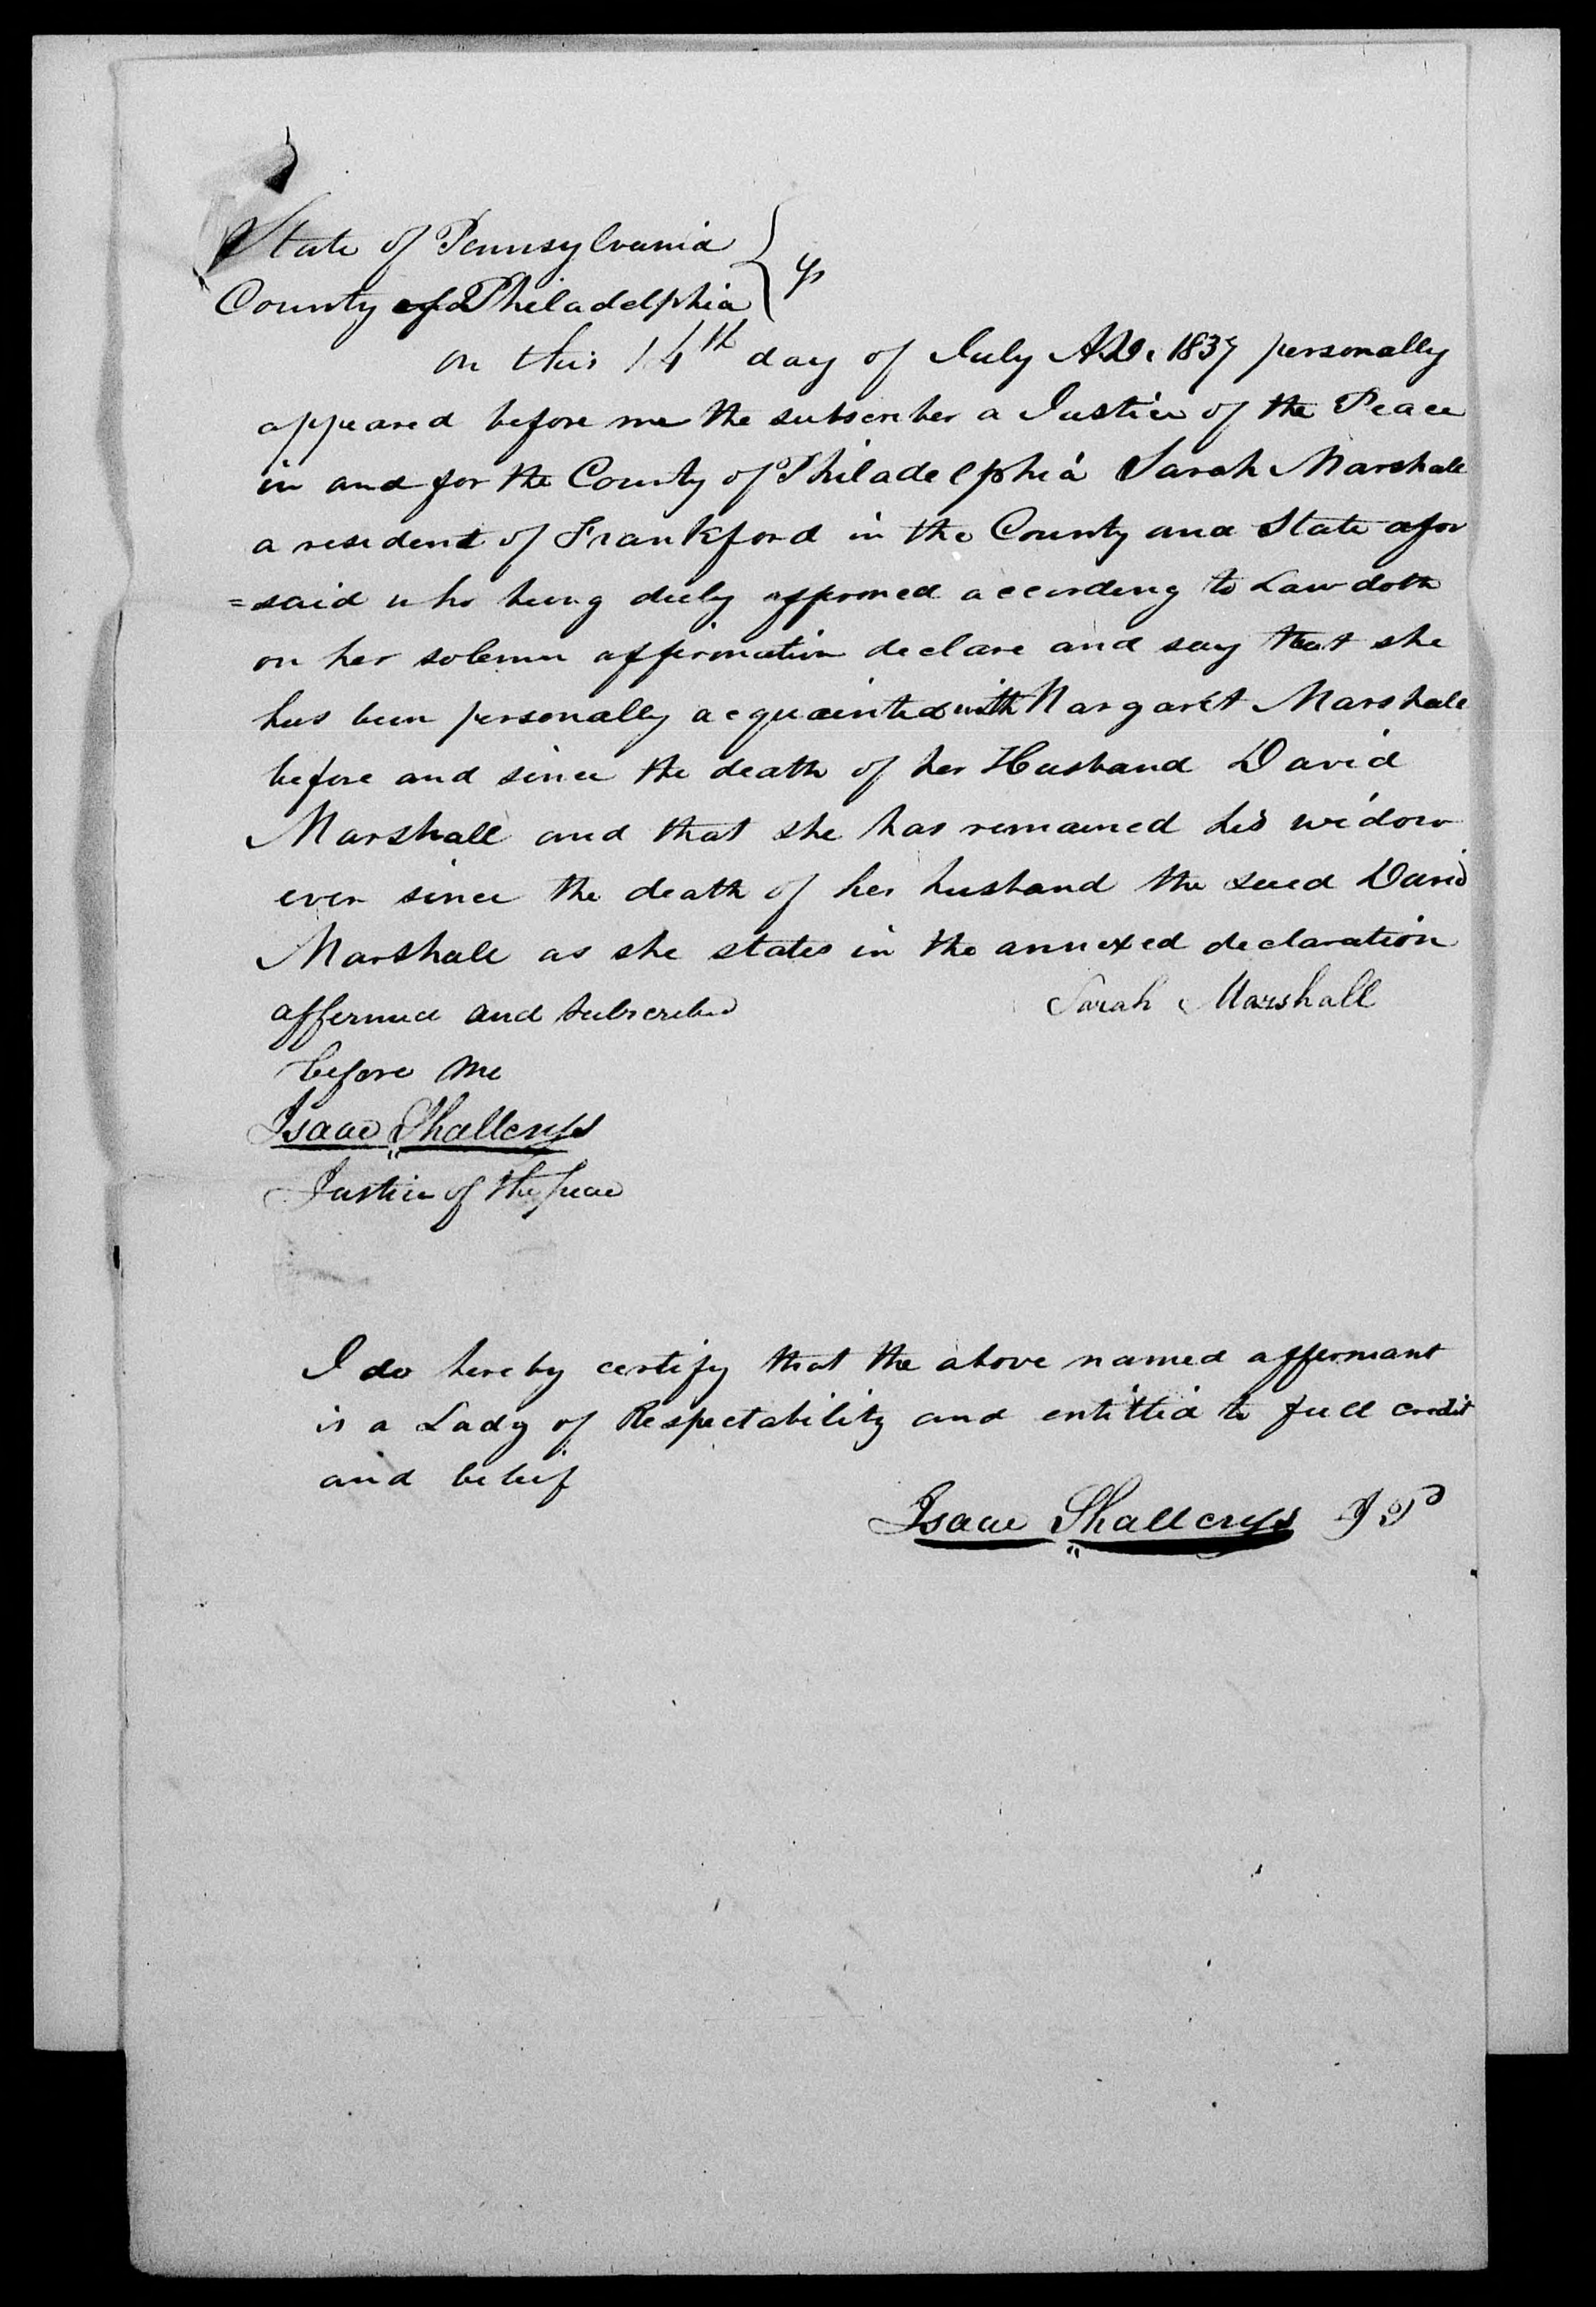State of Pennsylvania
County of Philadelphia
On this 14th day of July A.D. 1837 personally appeared before me the subscriber a Justice of the Peace in and for the County of Philadelphia Sarah Marshall a resident of Frankford in the County and state aforesaid who being duly appeared according to Law doth on her solemn affirmation declare and say that she has been personally acquainted with Margaret Marshall before and since the death of her Husband David Marshall and that she has remained his widow ever since the death of her husband the said David Marshall as she states in the annexed declaration 
Sarah Marshall
Affirmed and subscribed before me
Isaac Shallcross [underlined]
Justice of the Peace

I do hereby certify that the above named afformant is a Lady of Respectability and entitled to full [illegible] and belief
Isaac Shallcross JP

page: 20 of 86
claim: widow's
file: W. 3571, for David Marshall, Pennsylvania